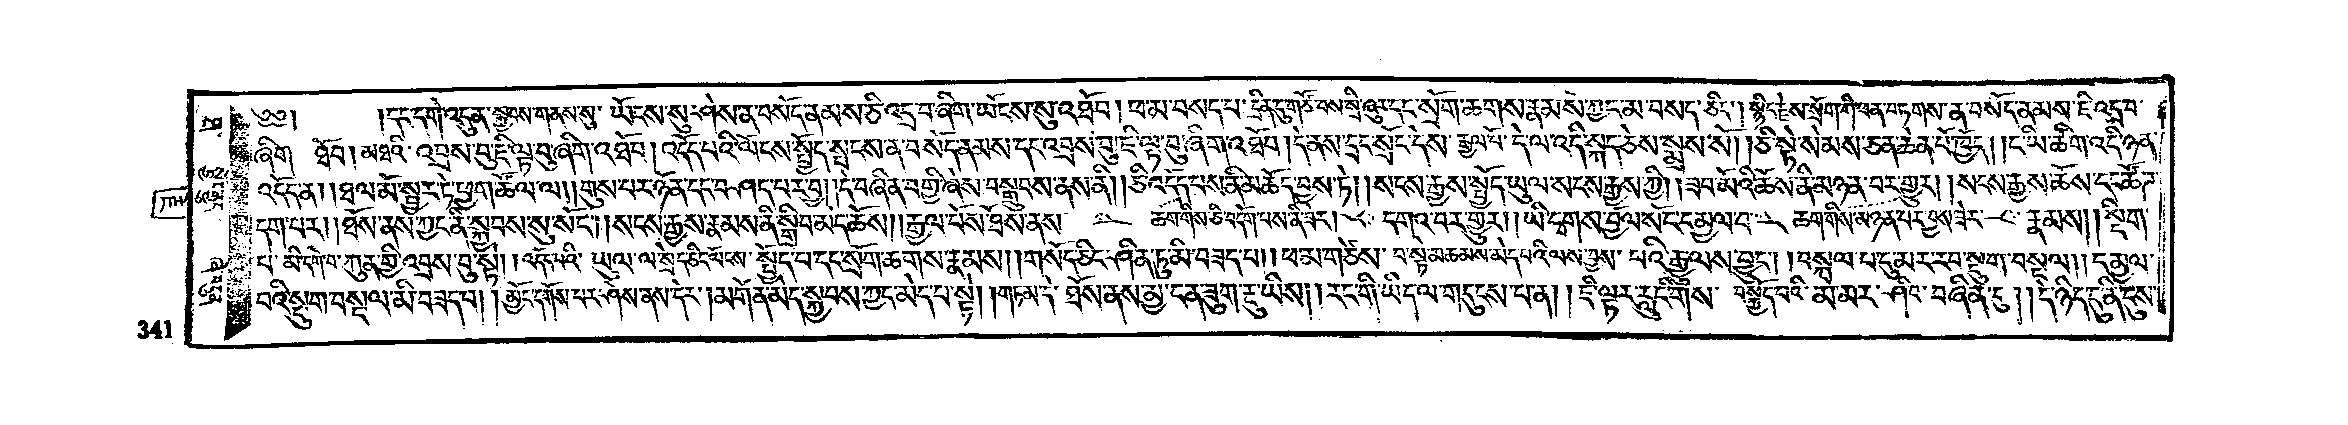༄༅། །དང་དགེ་འདུན་སྐྱབས་གནས་སུ་ཡོངས་སུ་ཤེས་ན་བསོད་ནམས་ཅི་འདྲ་བ་ཞིག་ཡོངས་སུ་འཐོབ། ཕ་མ་བསད་པ་དྲིན་དུ་གཙོ་བས་སྲི་ཞུར་དང་སྲོག་ཆགས་རྣམས་ཀྱང་མ་བསད་ཅིང་། སྙིང་རྗེས་སྲོག་གི་ཕན་བཏགས་ན་བསོད་ནམས་ཇི་འདྲ་བ་
ཞིག་ཐོབ། མཐའི་འབྲས་བུ་ཇི་ལྟ་བུ་ཞིག་འཐོབ། འདོད་པའི་ལོངས་སྤྱོད་སྤངས་ན་བསོད་ནམས་དང་འབྲས་བུ་ཇི་ལྟ་བུ་ཞིག་འཐོབ། དེ་ནས་དྲང་སྲོང་དེས་རྒྱལ་པོ་དེ་ལ་འདི་སྐད་ཅེས་སྨྲས་སོ། །ཅི་སྟེ་སེམས་ཅན་ཆེན་པོ་ཁྱོད། །ང་ཡི་ཚིག་འདི་ཉན་
འདོད་ན། །ཐལ་མོ་སྦྱར་ཏེ་ཕྱག་ཚོལ་ལ། །གུས་པར་ཉོན་དང་བཤད་པར་བྱ། །དེ་བཞིན་བགྱི་ཞེས་བསྒྲུབས་ནས་ནི། །ཅི་འདོད་པས་ནི་མཆོད་བྱས་ཏེ། །སངས་རྒྱས་སྤྱོད་ཡུལ་སངས་རྒྱས་ཀྱི། །ཟབ་མོའི་ཆོས་ནི་མཉན་པར་གྱུར། །སངས་རྒྱས་ཆོས་དང་ཚོགས་
དག་པར། །ཐོས་ནས་ཀྱང་ནི་སྐྱབས་སུ་སོང་། །སངས་རྒྱས་རྣམས་ནི་སྒྲིབ་མེད་ཆོས། །རྒྱལ་པོས་ཐོས་ནས། H.ཚིག་གིས་ཅི་བདོག་པས་ནི་ཟེར། .Hདགའ་བར་གྱུར། །ཡི་དྭགས་བྱོལ་སོང་དམྱལ་བཿ་ཆག་གིས་མཉན་པར་བྱས་ཟེརH རྣམས། །སྡིག་
པ་མི་དགེ་བ་ཀུན་གྱི་འབྲས་བུ་སྟེ། ། འདོད་པའི་ཡུལ་ལ་སྲེད་ཅིང་ལོངས་སྤྱོད་པ་དང་སྲོག་ཆགས་རྣམས། །གསོད་ཅིང་ཤིན་ཏུ་མི་བཟད་པ། ཕ་མ་གཙེས་པ་སྟེ་མཚམས་མེད་པའི་ལས་བྱས་པའི་རྒྱུ་ལས་བྱུང་། །བསྐལ་པ་དུ་མར་རབ་སྡུག་བསྔལ། །དམྱལ་
བའི་སྡུག་བསྔལ་མི་བཟད་པ། །མྱོང་དགོས་པར་ཤེས་ནས་དེར། མགོན་མེད་སྐྱབས་ཀྱང་མེད་པ་སྟེ། །གཏམ་དེ་ཐོས་ནས་མྱ་ངན་ཟུག་རྔུ་ཡིས། །རང་གི་ཡིད་ལ་གདུངས་པ་ན། །ཇི་ལྟར་རླུང་གིས་བསྐྱོད་པའི་མེ་མར་ཤི་བ་བཞིན་དུ། །དེ་ཉིད་དུ་ནི་དུས་